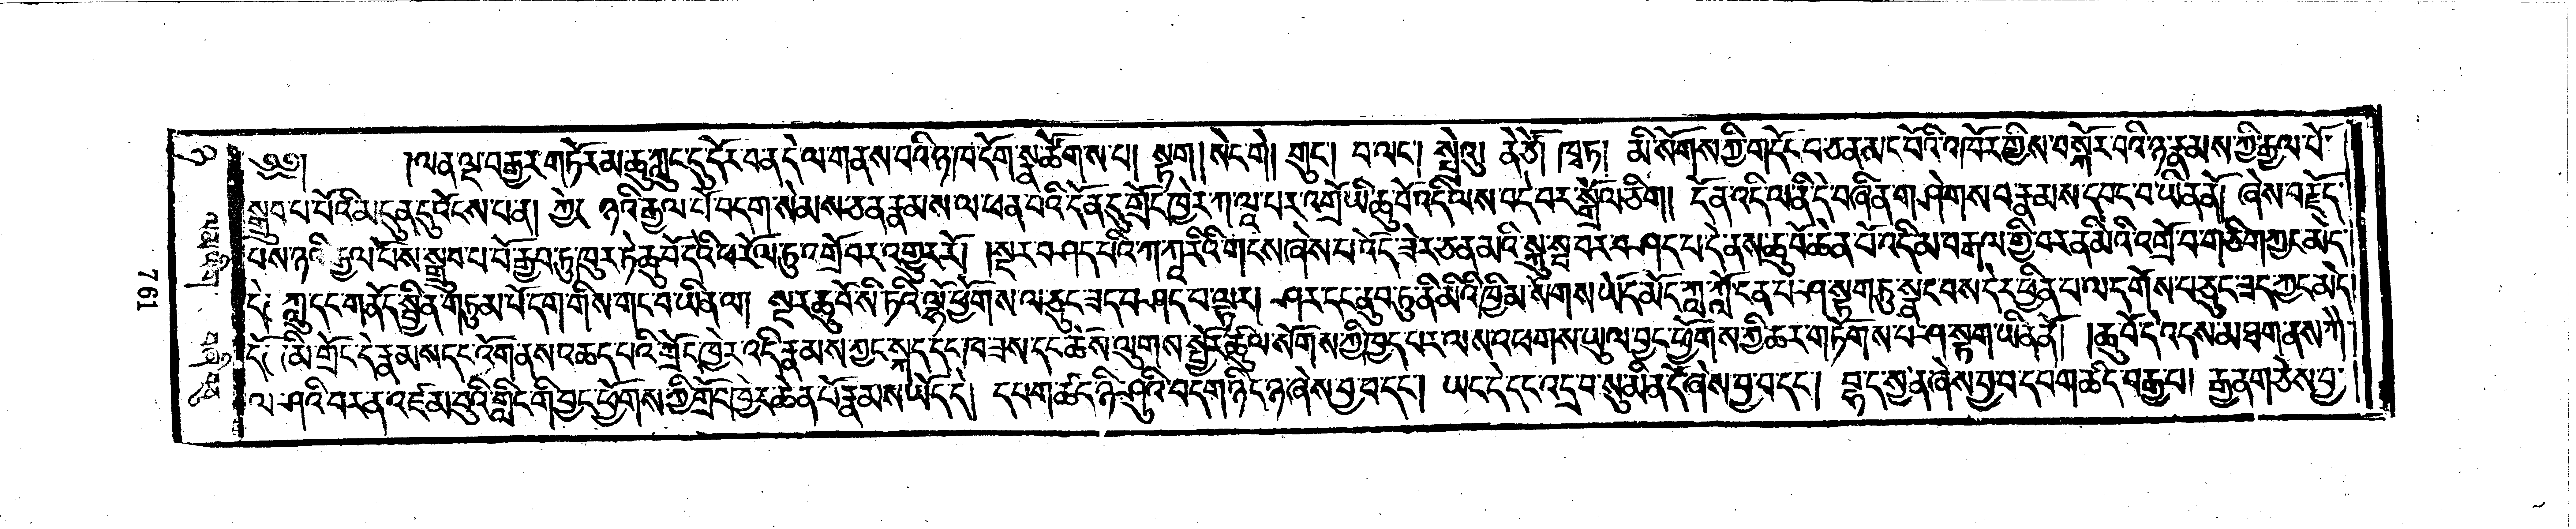༄༅། །ལན་ལྔ་བརྒྱར་གཏོར་མ་ཆུ་ཀླུང་དུ་དོར་བ་ན་དེ་ལ་གནས་པའི་ཉ་ཁ་དོག་སྣ་ཚོགས་པ། སྟག། སེང་གེ། གུང་། བ་ལང་། སྤྲེའུ། ནེ་ཙོ། ཁྭཏ། མི་སོགས་ཀྱི་གདོང་བ་ཅན་མང་བོའི་འཁོར་གྱིས་བསྐོར་བའི་ཉ་རྣམས་ཀྱི་རྒྱལ་པོ་
སྒྲུབ་པ་པོའི་མདུན་དུ་འོངས་པ་ན། ཀྱེ༑ ཉའི་རྒྱལ་པོ་བདག་སེམས་ཅན་རྣམས་ལ་ཕན་པའི་དོན་དུ་གྲོང་ཁྱེར་ཀ་ལཱ་པར་འགྲོ་ཡི་ཆུ་བོ་འདི་ལས་བདེ་བར་སྒྲོལ་ཅིག། དོན་འདི་ལ་ནི་དེ་བཞིན་གཤེགས་བ་རྣམས་དབང་བ་ཡིན་ནོ། ཞེས་བརྗོད་
པས་ཉའི་རྒྱལ་པོས་སྒྲུབ་པ་བོ་རྒྱབ་ཏུ་ཁུར་ཏེ་ཆུ་བོ་དེའི་ཕ་རོལ་ཏུ་འགྲོ་བར་འགྱུར་རོ། །སྔར་བཤད་པའི་ཀ་ཀཱ་རིའི་གངས་ཞེས་པ་འོད་ཟེར་ཅན་མའི་སྐུ་སྦ་བར་བཤད་པ་དེ་ནས་ཆུ་བོ་ཆེན་པོ་འདི་མ་བརྒལ་གྱི་བར་ན་མིའི་འགྲོ་བ་གཅིག་ཀྱང་མེད་
དེ༑ ཀླུ་དང་གནོད་སྦྱིན་གཏུམ་པོ་དག་གིས་གང་བ་ཡིན་ལ། སྔར་ཆུ་བོ་སི་ཏའི་ལྷོ་ཕྱོགས་ལ་ཅུང་ཟད་བཤད་བ་ལྟར། ཤར་དང་ནུབ་ཏུ་ནི་མིའི་ཁྱིམ་སོགས་ཡོད་མོད་ཀླ་ཀློ་ངན་པ་ཤ་སྟག་ཏུ་སྣང་བས་དེར་ཕྱིན་པ་ལ་དགོས་པ་ཅུང་ཟད་ཀྱང་མེད་
དོ༑ ༑མི་གྲོང་དེ་རྣམས་དང་འོག་ནས་འཆད་པའི་གྲོང་ཁྱེར་འདི་རྣམས་ཀྱང་སྐད་དང་ཁ་ཟས་དང་ཆོས་ལུགས་སྤྱོར་ཚུལ་སོགས་ཀྱི་ཁྱད་པར་ལས་འཕགས་ཡུལ་བྱང་ཕྱོགས་ཀྱི་ཆར་གཏོགས་པ་ཤ་སྟག་ཡིན་ནོ། །ཆུ་བོ་དེ་འདས་མ་ཐག་ནས་ཀཻ་
ལ་ཤའི་བར་ན་འཛམ་བུའི་གླིང་གི་བྱང་ཕྱོགས་ཀྱི་གྲོང་ཁྱེར་ཆེན་པོ་རྣམས་ཡོད་དེ། དཔག་ཚད་ཉི་ཤུའི་བདག་ཉིད་ཉ་ཞེས་བྱ་བ་དང་། ཡང་དེ་དང་འདྲ་བ་སུ་མིན་དོ་ཞེས་བྱ་བ་དང་། བྷ་ད་སྱ་ན་ཞེས་བྱ་བ་དཔག་ཚད་བརྒྱ་པ། རྒྱ་ནག་ཅེས་བྱ་